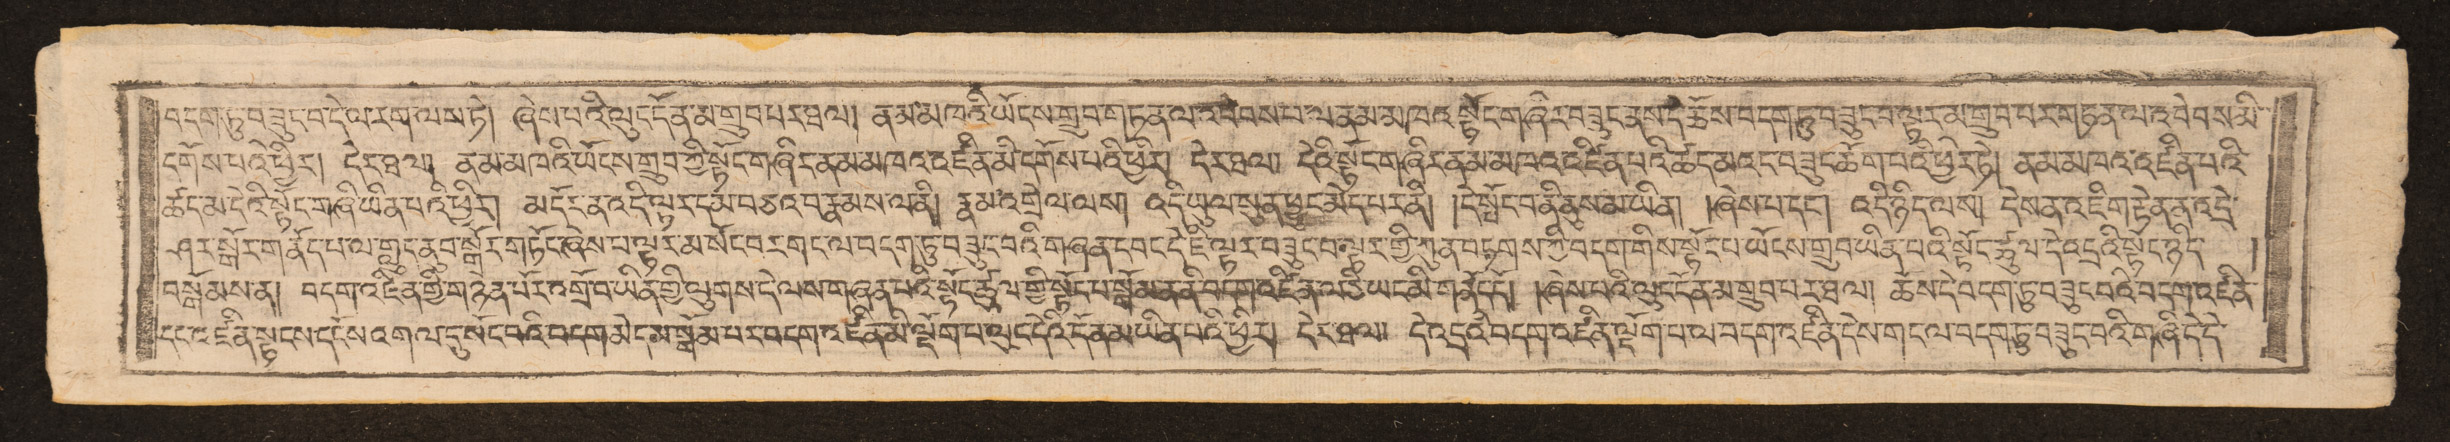བདག་ཏུ་བཟུང་བ་དེ་ལ་རག་ལས་ཏེ། ཞེས་པའི་ལུང་དོན་མ་གྲུབ་པར་ཐལ། ནམ་མཁའི་ཡོངས་གྲུབ་གཏན་ལ་འབེབས་པ་ལ་ནམ་མཁའ་སྟོང་གཞིར་བཟུང་ནས་དེ་ཆོས་བདག་ཏུ་བཟུང་བ་ལྟར་མ་གྲུབ་པར་གཏན་ལ་འབེབས་མི་
དགོས་པའི་ཕྱིར། དེར་ཐལ། ནམ་མཁའི་ཡོངས་གྲུབ་ཀྱི་སྟོང་གཞིར་ནམ་མཁའ་འཛིན་མི་དགོས་པའི་ཕྱིར། དེར་ཐལ། དེའི་སྟོང་གཞིར་ནམ་མཁའ་འཛིན་པའི་ཚད་མའང་བཟུང་ཆོག་པའི་ཕྱིར་ཏེ། ནམ་མཁའ་འཛིན་པའི་
ཚད་མ་དེའི་སྟོང་གཞི་ཡིན་པའི་ཕྱིར། མདོར་ན་འདི་ལྟར་དམ་བཅའ་བ་རྣམས་ལ་ནི། རྣམ་འགྲེལ་ལས། འདི་ཡུལ་སུན་ཕྱུང་མེད་པར་ནི། །དེ་སྤོང་བ་ནི་ནུས་མ་ཡིན། །ཞེས་པ་དང་། འདི་ཉིད་ལས། དེས་ན་འཇིག་རྟེན་ན་འདྲེ་
ཤར་སྒོར་གནོད་པ་ལ་གླུད་ནུབ་སྒོར་གཏོང་ཞེས་པ་ལྟར་མ་སོང་བར་གང་ལ་བདག་ཏུ་བཟུང་བའི་གཞན་དབང་དེ་ཇི་ལྟར་བཟུང་བ་ལྟར་གྱི་ཀུན་བཏགས་ཀྱི་བདག་གིས་སྟོང་བ་ཡོངས་གྲུབ་ཡིན་པའི་སྟོང་ཚུལ་དེ་འདྲའི་སྟོང་ཉིད་
བསྒོམས་ན། བདག་འཛིན་གྱི་གཉེན་པོར་འགྲོ་བ་ཡིན་གྱི་ལུགས་དེ་ལས་གཞན་པའི་སྟོང་ཚུལ་གྱི་སྟོང་པ་སྒོམ་ན་ནི་བདག་འཛིན་ལ་ཅི་ཡང་མི་གནོད་དོ། །ཞེས་པའི་ལུང་དོན་མ་གྲུབ་པར་ཐལ། ཆོས་དེ་བདག་ཏུ་བཟུང་བའི་བདག་འཛིན་
དང་འཛིན་སྟངས་དངོས་འགལ་དུ་སོང་བའི་བདག་མེད་མ་སྒོམ་པར་བདག་འཛིན་མི་ལྡོག་པ་ལུང་དེའི་དོན་མ་ཡིན་པའི་ཕྱིར། དེར་ཐལ། དེ་འདྲའི་བདག་འཛིན་ལྡོག་པ་ལ་བདག་འཛིན་དེས་གང་ལ་བདག་ཏུ་བཟུང་བའི་གཞི་དེ་དེ་